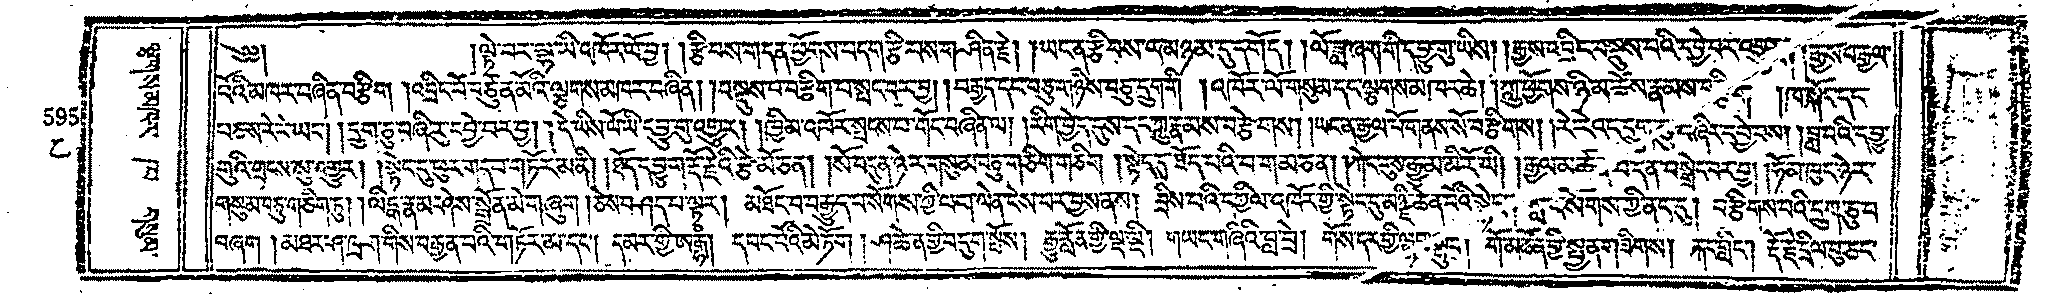༄༅། །ལྟེ་བར་ལྷ་ཡི་འཁོར་ལོ་བྱ། །རྩིབས་གདན་ཕྱོགས་བདག་རྩིབས་གཤིན་རྗེ། །ཡང་ན་རྩིབས་ལ་མཉམ་དུ་དགོད། །ལོ་ཟླ་ཞག་གི་དབྱུ་གུ་ཡིས། །རྒྱས་འབྲིང་བསྡུས་པའི་དབྱེ་བར་འགྱུར། །རྒྱས་པ་རྒྱལ་
བོའི་མཁར་བཞིན་བརྩིག །འབྲིང་པོ་བཙུན་མོའི་ལྕགས་མཁར་བཞིན། །བསྡུས་པ་བརྩིག་པ་སྤང་བར་བྱ། །བརྒྱད་དང་བཅུ་གཉིས་བཅུ་དྲུག་གི །འཁོར་ལོ་གསུམ་དང་ལྕགས་མཁར་ཆེ། །ཀླུ་ཕྱོགས་ཉི་མ་ཚེས་རྣམས་བརྩིག །ཁ་སྐོང་དང་
བཅས་རེ་རེ་ཡང་། །དྲུག་ཅུ་བཞི་རུ་དབྱེ་བར་བྱ། །དེ་ཡིས་ལོ་ཡི་དབྱུ་གུ་འགྱུར། །ཁྱིམ་འཁོར་སྤངས་བ་གོང་བཞིན་ལ། །རིག་བྱེད་དུས་དང་ཀླུ་རྣམས་བརྩེགས། །ཡང་ན་རྒྱལ་པོ་གནས་སོ་བརྩིགས། །རེ་རེའང་དྲུག་ཅུ་བཞིར་དབྱེ་བས། །ཟླ་བའི་དབྱུ་
གུའི་གྲངས་སུ་འགྱུར། །སྟེང་དུ་ཕུར་གདབ་གཏོར་མ་ནི། །ཐོད་དབྱུག་རྡོ་རྗེའི་རྩེ་མོ་ཅན། །སོ་བདུན་ཉེར་གསུམ་བཅུ་གཅིག་གཅིག །སྟེང་དུ་ཐོད་པའི་བ་གམ་ཅན། །ཀེང་རུས་རྒྱུ་མ་མི་རོ་ཡི། །རྒྱལ་མཚན་བ་དམ་བསྒྲེང་བར་བྱ། །ཧོམ་ཁུང་ཉེར་
གསུམ་བཅུ་གཅིག་ཏུ། །ལིངྒ་རྣམ་ཤེས་སྒྲོན་མེ་གཞུག །ཅེས་བཤད་པ་ལྟར། མཐོང་བ་བརྒྱུད་བ་སོགས་ཀྱི་ལག་ལེན་ངེས་པར་བྱས་ནས། བྲིས་པའི་དཀྱིལ་འཁོར་གྱི་སྟེང་དུ་མཉྫི་ཆེན་པོའི་སྟེང་། སླ་ང་སོགས་ཀྱི་ནང་དུ། བརྩིགས་པའི་དྲུག་ཅུ་བ་
བཞག །མཐར་ཤ་ཁྲག་གིས་བརྒྱན་པའི་གཏོར་མ་དང་། དམར་གྱི་ཨརྒྷཾ། དབང་པོའི་མེ་ཏོག །ཤ་ཆེན་གྱི་བདུག་སྤོས། རྒྱུ་རློན་གྱི་ལྡ་ལྡི། གཡང་གཞིའི་བླ་བྲེ། གོས་དར་གྱི་ལྷབ་ལྷུབ། །གོ་མཚོན་གྱི་སྤྱན་གཟིགས། རྐང་གླིང་། རྡོ་རྗེ་དྲིལ་བུ་ཅང་